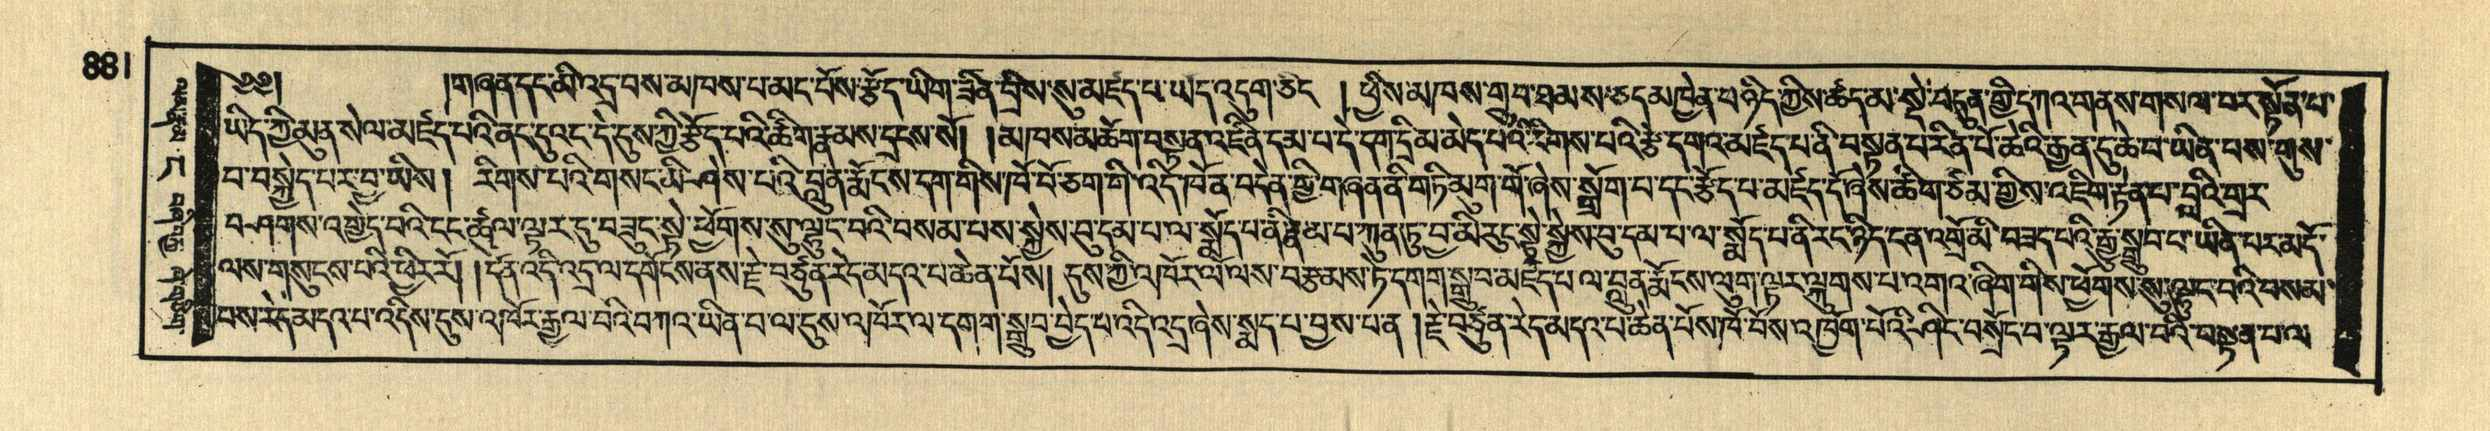༄༅། །གཞན་དང་མི་འདྲ་བས་མཁས་པ་མང་པོས་རྩོད་ཡིག་ཟིན་བྲིས་སུ་མཛད་པ་ཡོད་འདུག་ཅིང་།ཕྱིས་མཁས་གྲུབ་ཐམས་ཅད་མཁྱེན་པ་ཉིད་ཀྱིས་ཚད་མ་སྡེ་བདུན་གྱི་དཀའ་གནས་གསལ་བར་སྟོན་པ་
ཡིད་ཀྱི་མུན་སེལ་མཛད་པའི་ནང་དུའང་དེ་དུས་ཀྱི་རྩོད་པའི་ཚིག་རྣམས་དྲངས་སོ། །མཁས་མཆོག་བསྟན་འཛིན་དམ་པ་དེ་དག་དྲི་མ་མེད་པའི་རིགས་པའི་རྩེ་དགའ་མཛད་པ་ནི་བསྟན་པ་རིན་པོ་ཆེའི་རྒྱན་དུ་ཆེ་བ་ཡིན་པས་གུས་
བ་བསྐྱེད་པར་བྱ་ཡིས། རིགས་པའི་གསང་མི་ཤེས་པའི་བླུན་རྨོངས་དག་གིས་ཁོ་བོ་ཅག་གི་འདི་ཁོན་བདེན་གྱི་གཞན་ནི་གཏི་མུག་གོ་ཞེས་སྒྲོག་བ་དང་རྩོད་པ་མཛད་དོ་ཞེས་ཚིག་ཙམ་གྱིས་འཇིག་རྟེན་པ་བླའི་གྲར་
བཤགས་འགྱེད་པའི་དང་ཚུལ་ལྟར་དུ་བཟུང་སྟེ་ཕྱོགས་སུ་ལྷུང་བའི་བསམ་པས་སྐྱེས་བུ་དམ་པ་ལ་སྨོད་པ་ནི་རྣམ་པ་ཀུན་ཏུ་བྱ་མི་རུང་སྟེ་སྐྱེས་བུ་དམ་པ་ལ་སྨོད་པ་ནི་རང་ཉིད་ངན་འགྲོ་མི་བཟད་པའི་རྒྱུ་སྒྲུབ་པ་ཡིན་པར་མདོ་
ལས་གསུངས་པའི་ཕྱིར་རོ། །དོན་འདི་འདྲ་ལ་དགོངས་ནས་རྗེ་བཙུན་རེད་མདའ་པ་ཆེན་པོས། དུས་ཀྱི་འཁོར་ལོ་ལས་བརྩམས་ཏེ་དགག་སྒྲུབ་མཛད་པ་ལ་བླུན་རྨོངས་ལུག་ལྟར་ལྐུགས་པ་འགའ་ཞིག་གིས་ཕྱོགས་སུ་ལྷུང་བའི་བསམ་
པས་རེད་མདའ་པ་འདིས་དུས་འཁོར་རྒྱལ་བའི་བཀའ་ཡིན་པ་ལ་དུས་འཁོར་ལ་དགག་སྒྲུབ་བྱེད་པ་འདི་འདྲ་ཞེས་སྨད་པ་བྱས་པ་ན་།རྗེ་བཙུན་རེད་མདའ་པ་ཆེན་པོས་ཁོ་བོས་འཁྱོག་པོའི་ཤིང་བསྲོང་བ་ལྟར་རྒྱལ་བའི་བསྟན་པ་ལ་